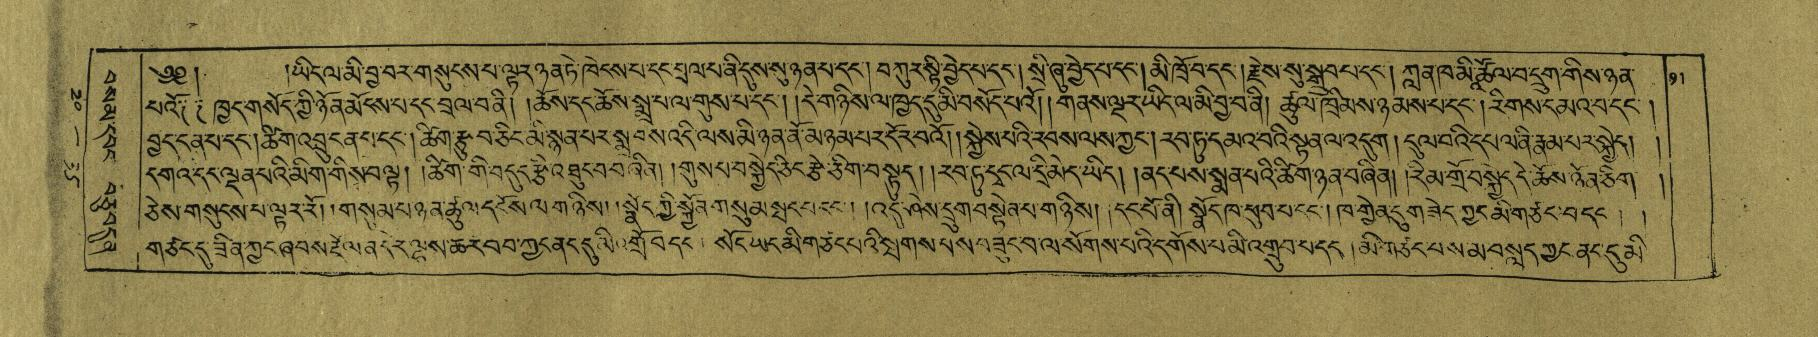༄༅། །ཡིད་ལ་མི་བྱ་བར་གསུངས་པ་ལྟར་ཉན་ཏེ་ཁེངས་པ་དང་བྲལ་པ་ནི་དུས་སུ་ཉན་པ་དང་། བཀུར་སྟི་བྱེད་པ་དང་། སྲི་ཞུ་བྱེད་པ་དང་། མི་ཁྲོ་བ་དང་། རྗེས་སུ་སྒྲུབ་པ་དང་། ཀླན་ཁ་མི་འཚོལ་བ་དྲུག་གིས་ཉན་
པའོ༑ ༑ཁྱད་གསོད་ཀྱི་ཉོན་མོངས་པ་དང་བྲལ་བ་ནི། །ཆོས་དང་ཆོས་སྨྲ་པ་ལ་གུས་པ་དང་། །དེ་གཉིས་ལ་ཁྱད་དུ་མི་བསོད་པའོ། །གནས་ལྔར་ཡིད་ལ་མི་བྱ་བ་ནི། ཚུལ་ཁྲིམས་ཉམས་པ་དང་། རིགས་དམའ་བ་དང་།
བྱད་ངན་པ་དང་། ཚིག་འབྲུ་ངན་པ་དང་། ཚིག་རྩུབ་ཅིང་མི་སྙན་པར་སྨྲ་བས་འདི་ལས་མི་ཉན་ནོ་མཉམ་པར་དོར་བའོ། །སྐྱེས་པའི་རབས་ལས་ཀྱང་། རབ་ཏུ་དམའ་བའི་སྟན་ལ་འདུག །དུལ་བའི་དཔལ་ནི་རྣམ་པར་སྐྱེད། །
དགའ་དང་ལྡན་པའི་མིག་གིས་བལྟ། །ཚིག་གི་བདུད་རྩི་འཐུང་བ་བཞིན། །གུས་པ་བསྐྱེད་ཅིང་རྩེ་ཅིག་བསྟུད། །རབ་ཏུ་དྭང་ལ་དྲི་མེད་ཡིད། །ནད་པས་སྨན་པའི་ཚིག་ཉན་བཞིན། །རིམ་གྲོ་བསྐྱེད་དེ་ཆོས་ཉོན་ཅིག །
ཅེས་གསུངས་པ་ལྟར་རོ། །གསུམ་པ་ཉན་ཚུལ་དངོས་ལ་གཉིས། །སྣོད་ཀྱི་སྐྱོན་གསུམ་སྤང་པ་དང་། །འདུ་ཤེས་དྲུག་བསྟེན་པ་གཉིས། །དང་པོ་ནི། སྣོད་ཁ་ཕུབ་པ་དང་། ཁ་གྱེན་དུ་གཟེད་ཀྱང་མི་གཙང་བ་དང་། །
གཙང་དུ་ཟིན་ཀྱང་ཞབས་རྡོལ་ན་དེར་ལྷས་ཆར་ཕབ་ཀྱང་ནང་དུ་མི་འགྲོ་བ་དང་། སོང་ཡང་མི་གཙང་པའི་སྤགས་པས་བཟུང་བ་ལ་སོགས་པའི་དགོས་པ་མི་འགྲུབ་པ་དང་།མི་གཙང་བས་མ་བསླད་ཀྱང་ནང་དུ་མི་